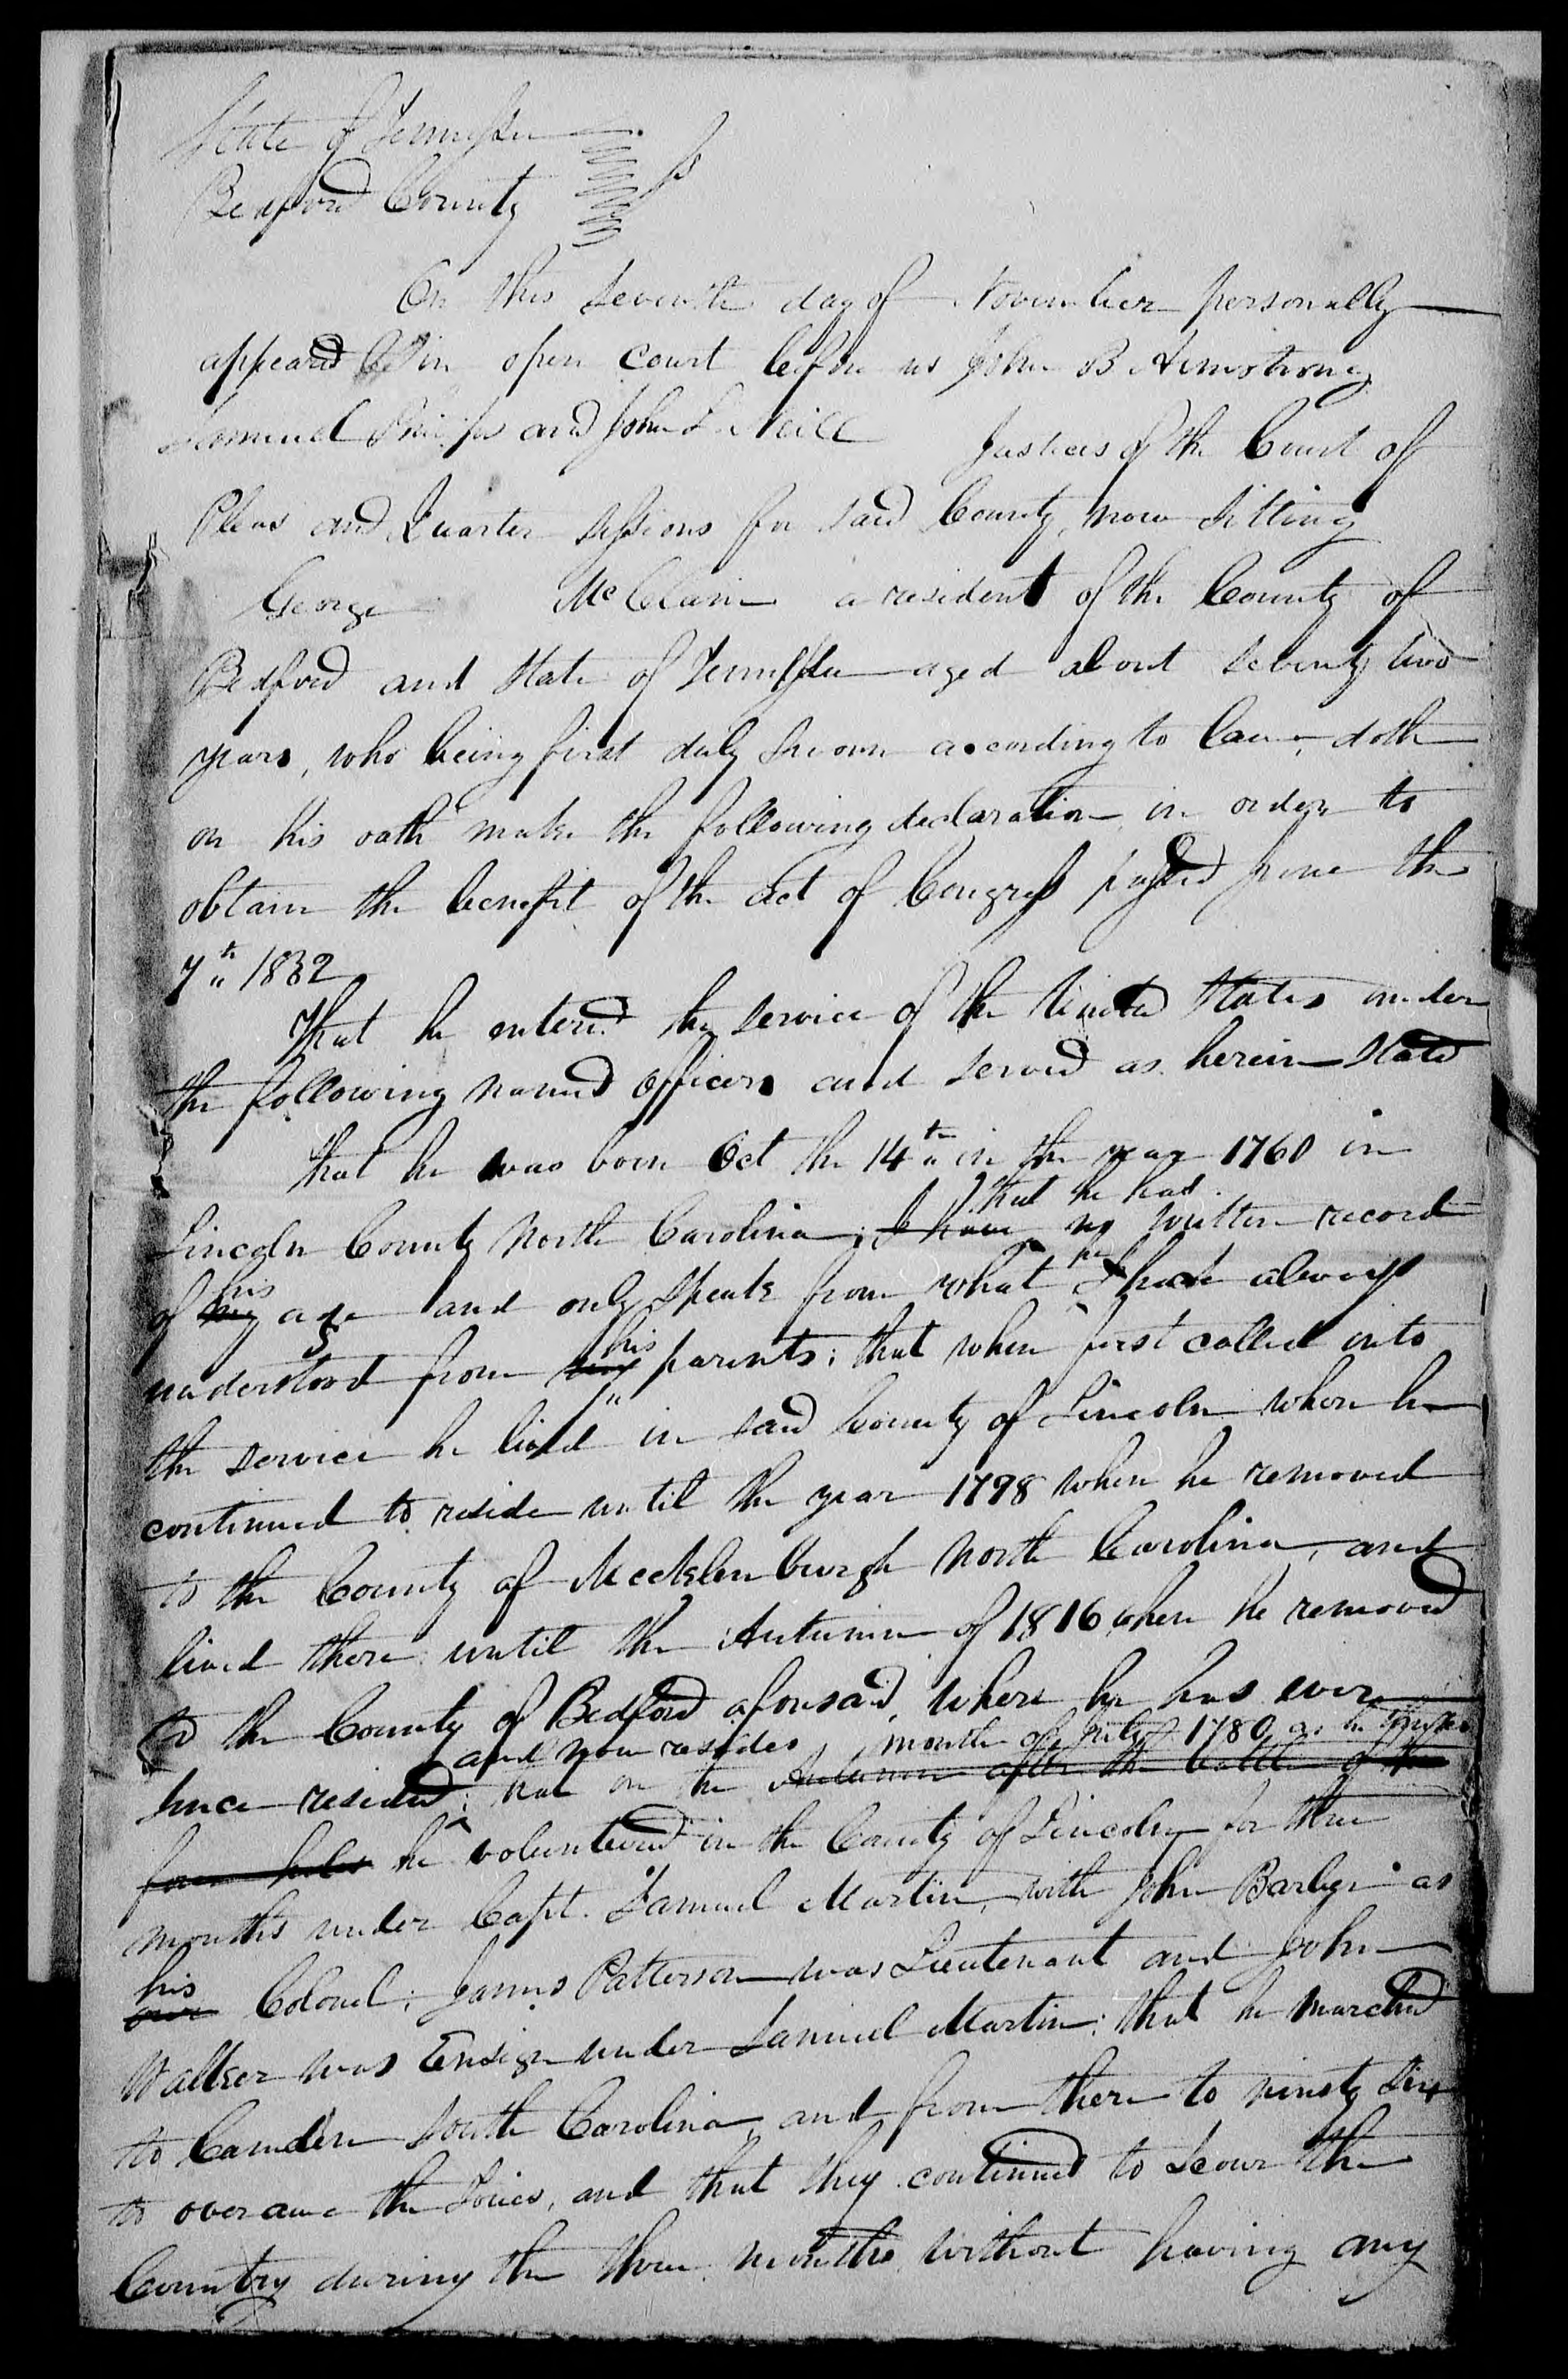State of Tennessee} 
Bedford County} SS 
On this Seventh day of November personally appeared in open Court before John B. Armstrong, Samuel Phillips and John L. Neill Justices of the Court of Pleas and Quarter Sessions for said County, now sitting, 
George McClain [sic] a resident of the County of Bedford and State of Tennessee aged about seventy two years who being first duly sworn according to law, doth on his oath make the following declaration in order to obtain the benefit of the act of Congress passed June the 7th 1832.
That he entered the service of the United States under the following named officers, and served as herein stated. 
That he was born Oct. the 14th in the year 1760 in Lincoln County North Carolina; that he has no written record of his age and only speaks from what he has always understood from his parents; that when first called into service he lived in said County of Lincoln where he continued to reside until the year 1798 when he removed to the County of Mecklenburg North Carolina and lived there until Autumn of 1816 when he removed to the County of Bedford aforesaid, where he has ever since resided and now resides; that in the month of July 1780 he thinks he volunteered in the County of Lincoln for three months under Capt. Samuel Martin with John Barber as his Colonel [sic, Major], James Patterson was Lieutenant and John Walker was Ensign under Samuel Martin: that he marched to Camden South Carolina and from there to Ninety Six to observe the Tories and that they continued to scour the Country during the three months without having any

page: 10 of 67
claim: widow's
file: W. 21793, for George Mc Lain, North Carolina